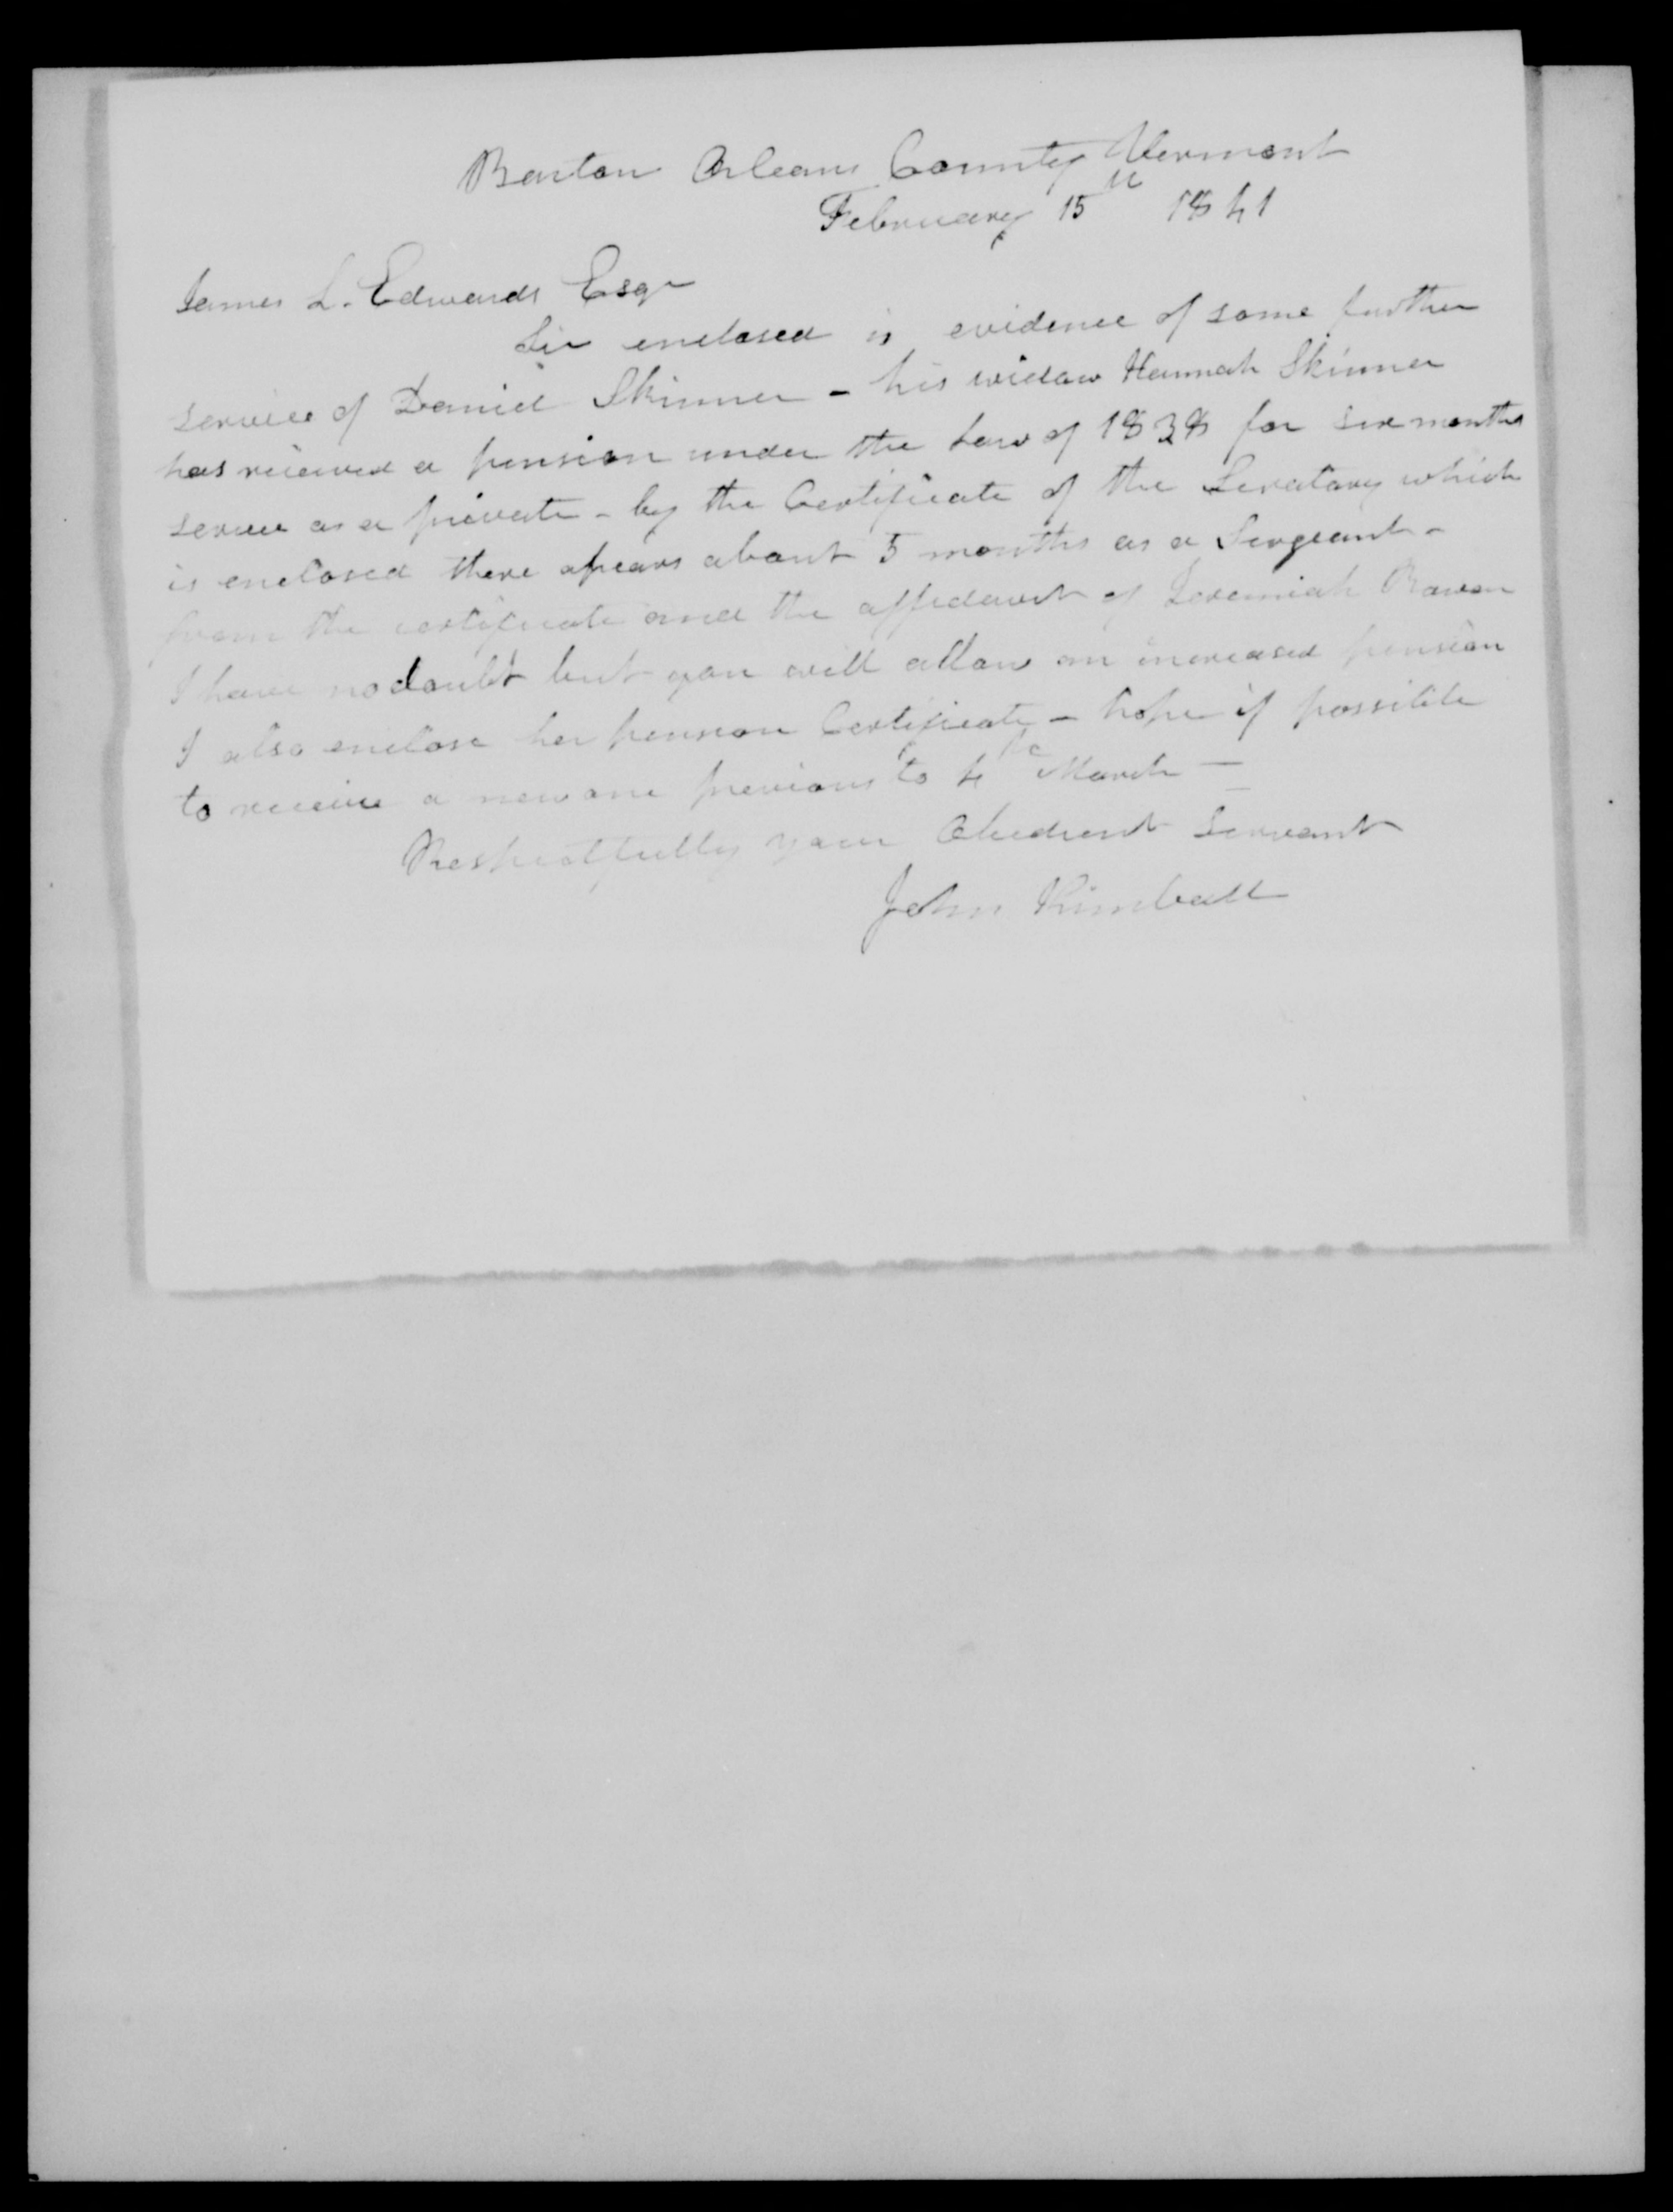Barton Orleans County Vermont
February 15th 1841
James L. Edwards Esqr
Sir enclosed is evidence of some further
service of Daniel Skinner-- his widow Hannah Skinner
has received a pension under the law of 1838 for six months
service as a private by the Certificate of the Secretary which
is enclosed there appears about 5 months as a Sergeant &
from the certificate and the affidavit of Jeremiah Bowen
I have no doubt but you will allow an increased pension
of also enclose her pension certificate-- hope if possible
to receive a new one previous to be March--
Respectfully your Obedient Servant
John Kimball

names: Jeremiah Bowen; John Kimball; Daniel Skinner; Hannah Skinner; James L Edwards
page: 16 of 46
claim: widow's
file: W. 24976, for Daniel Skinner, New Hampshire